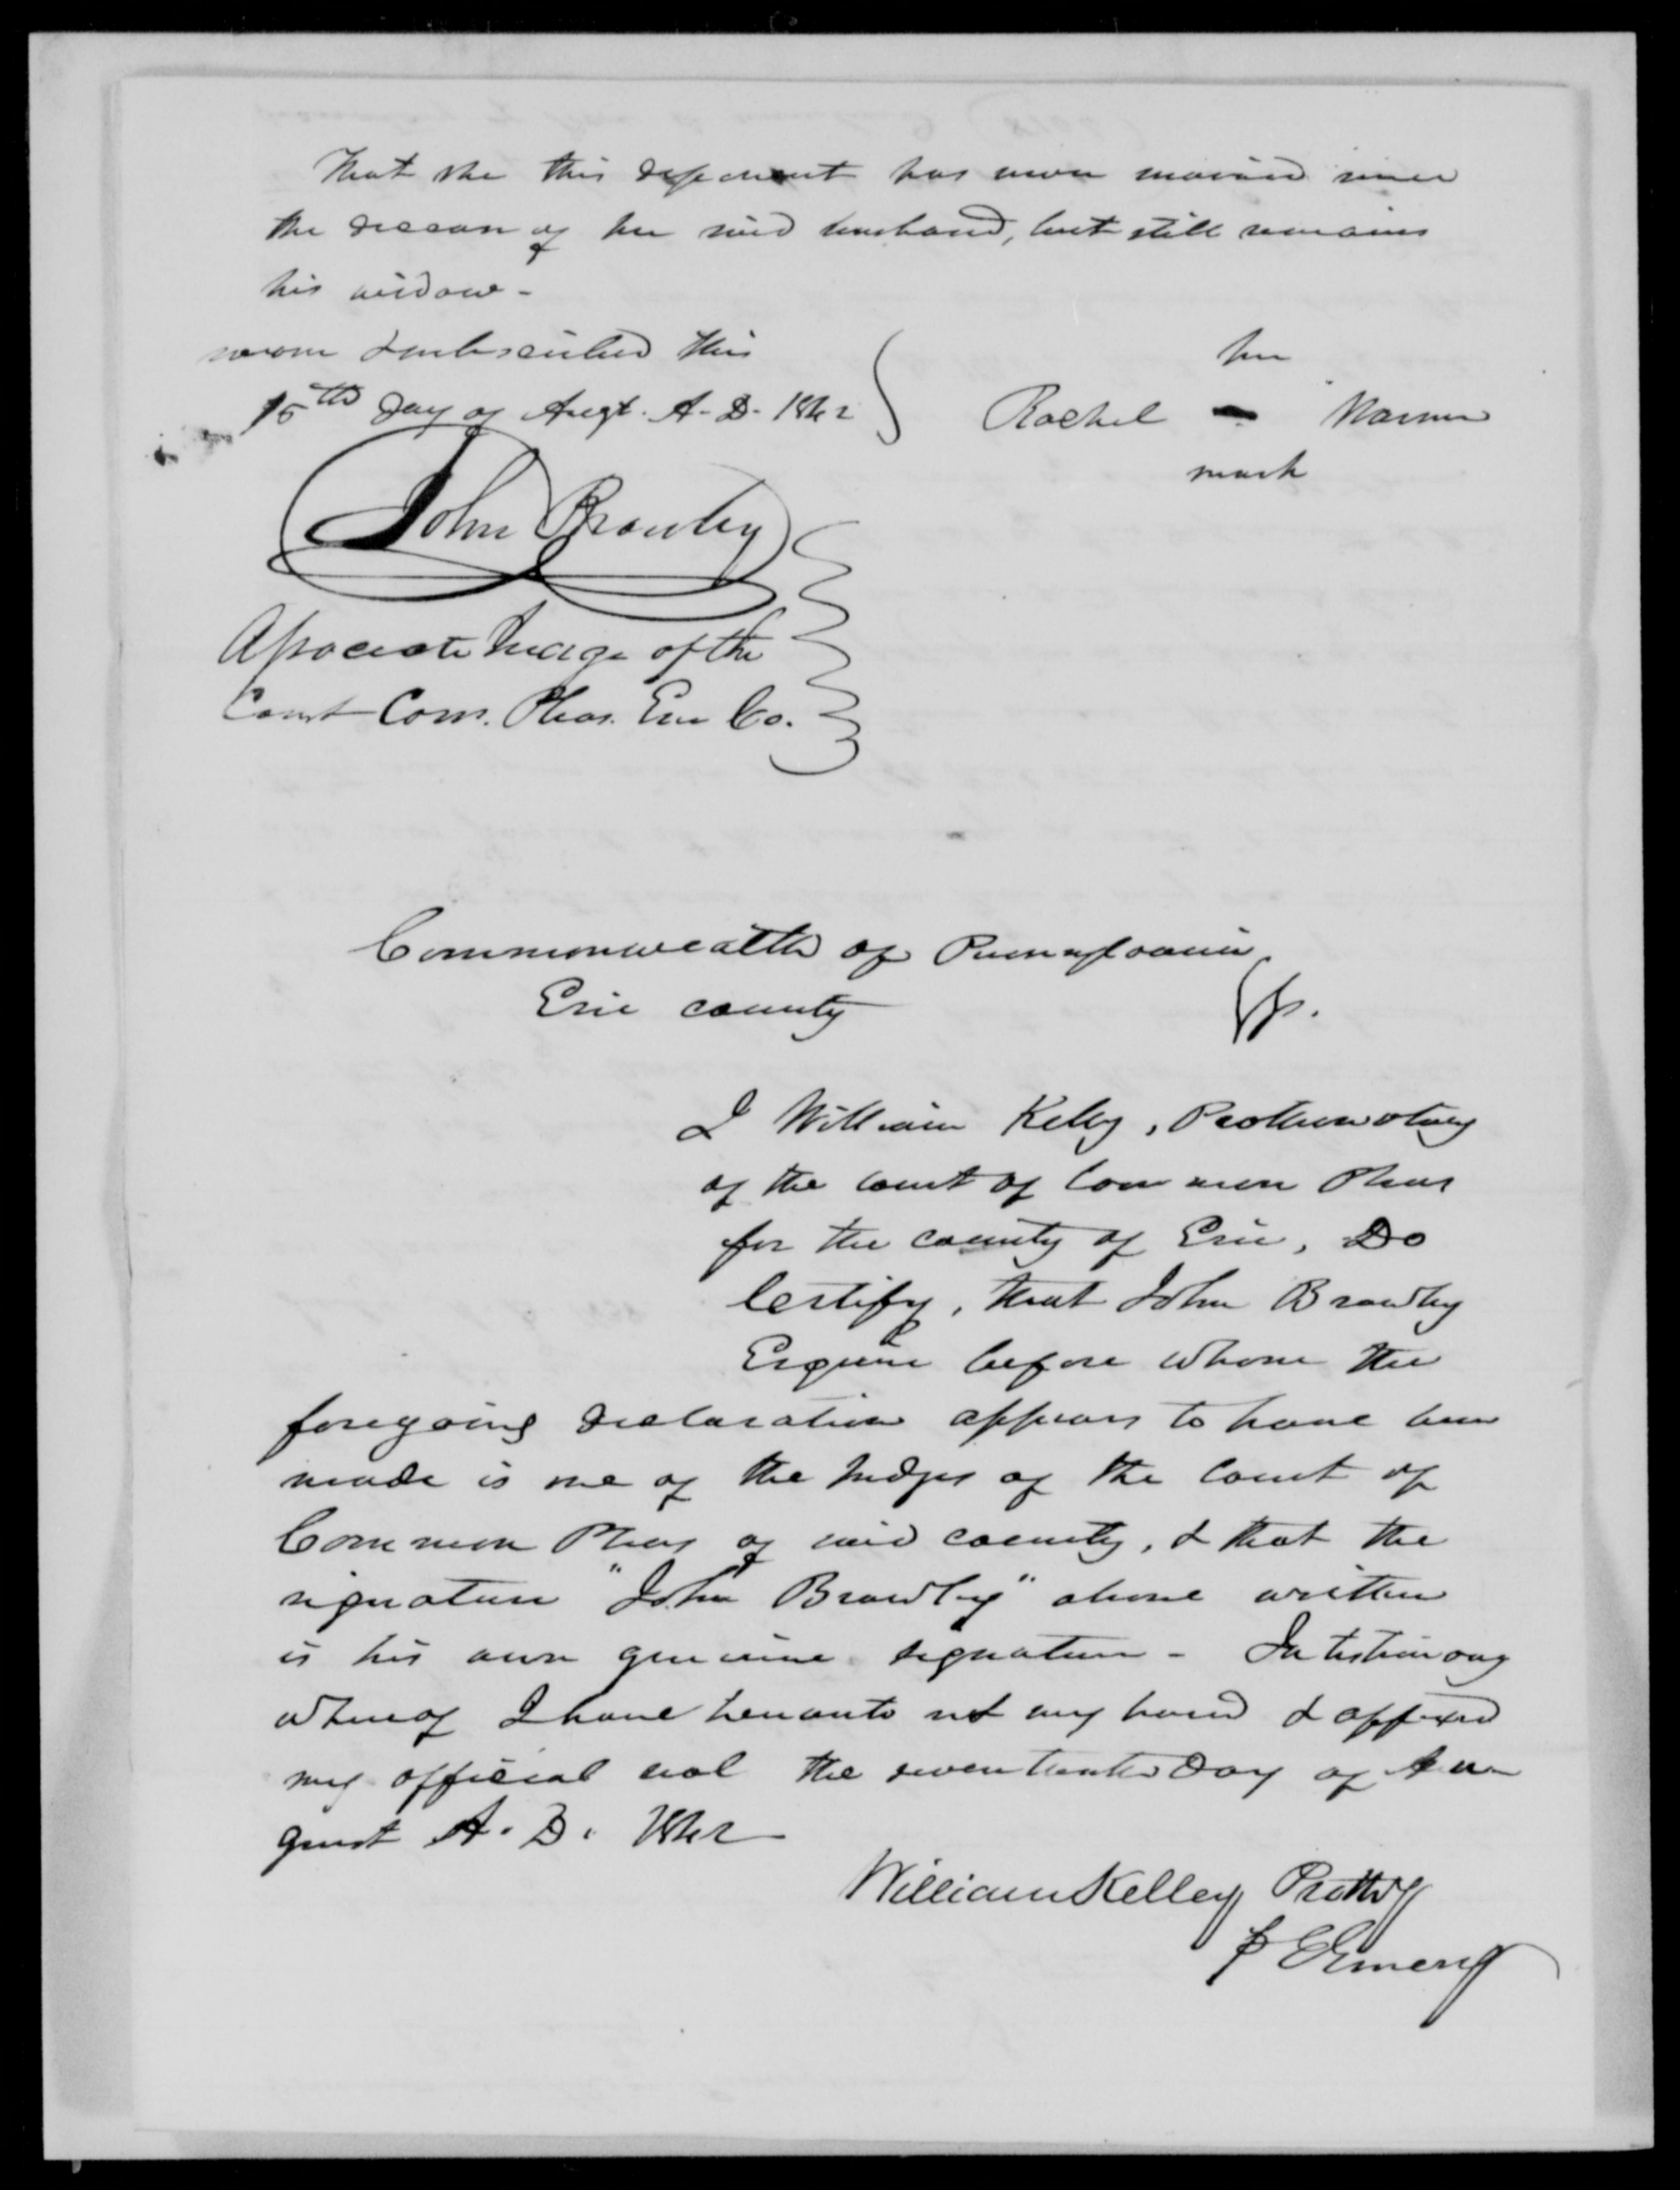That she this deponent has never married since
the decease of her said husband, but still remains
his widow.
her
Rachel --- Warner
mark
Sworn and subscribed this}
15th day of Augt A.D. 1842}
John Browley
associate Judge of the
Court of Common Pleas. Erie Co.}

Commonwealth of Pennsylvania
Erie county

I William Kelly, prothonotary
of the court of Common Pleas
for the county of Erie, Do
Certify, that John Browley
Esquire before whom the
foregoing declaration appears to have been
made is one of the Judges of the Court of
Common Pleas of said county, and that the
signature "John Browley" above written
is his own genuine signature- In testimony
whereof I have hereunto set my hand and affixed
my official seal the seventeenth day of August A.D. WKP
William Kelly Prothonotary
p E. Emery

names: William Kelley, William Kelley, John Browley, Rachel Warner, John Browley, John Browley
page: 8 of 40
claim: widow's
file: W. 3742, Moses Warner, Conn.